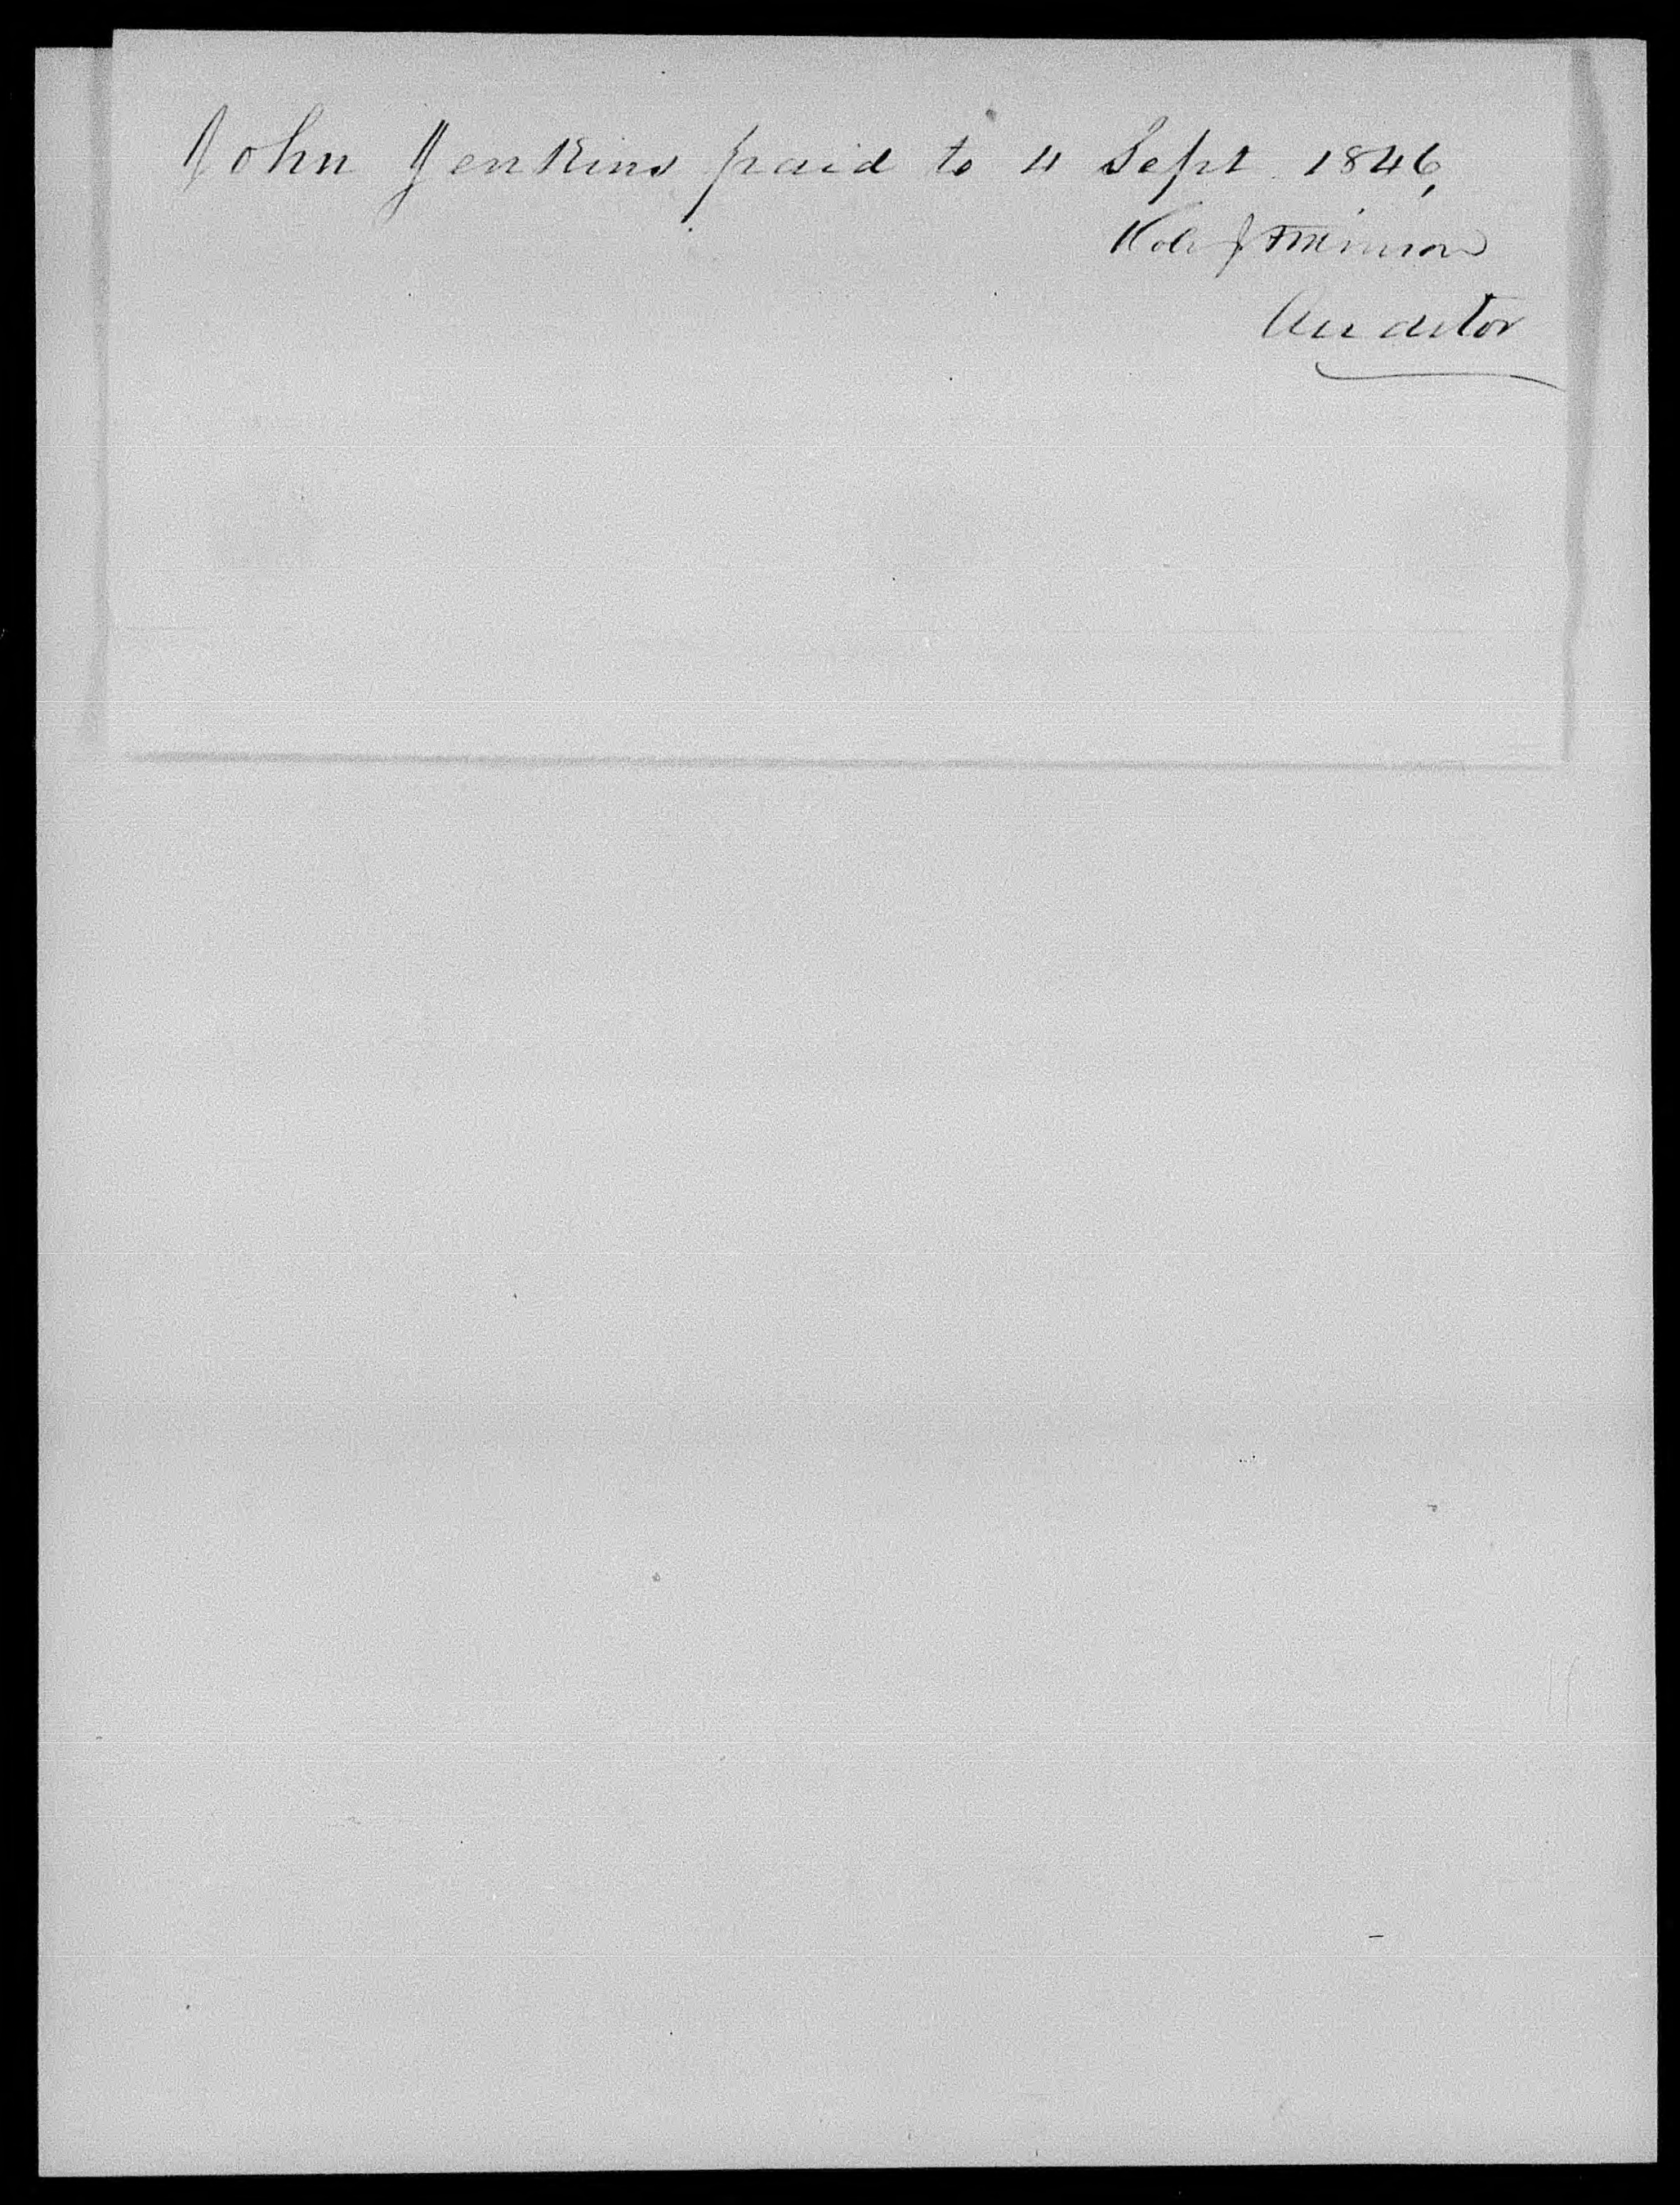John Jenkins paid to 4 Sept 1846
[illegible]
Auditor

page: 30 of 55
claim: widow's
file: W. 7894, for John Jenkins, Virginia